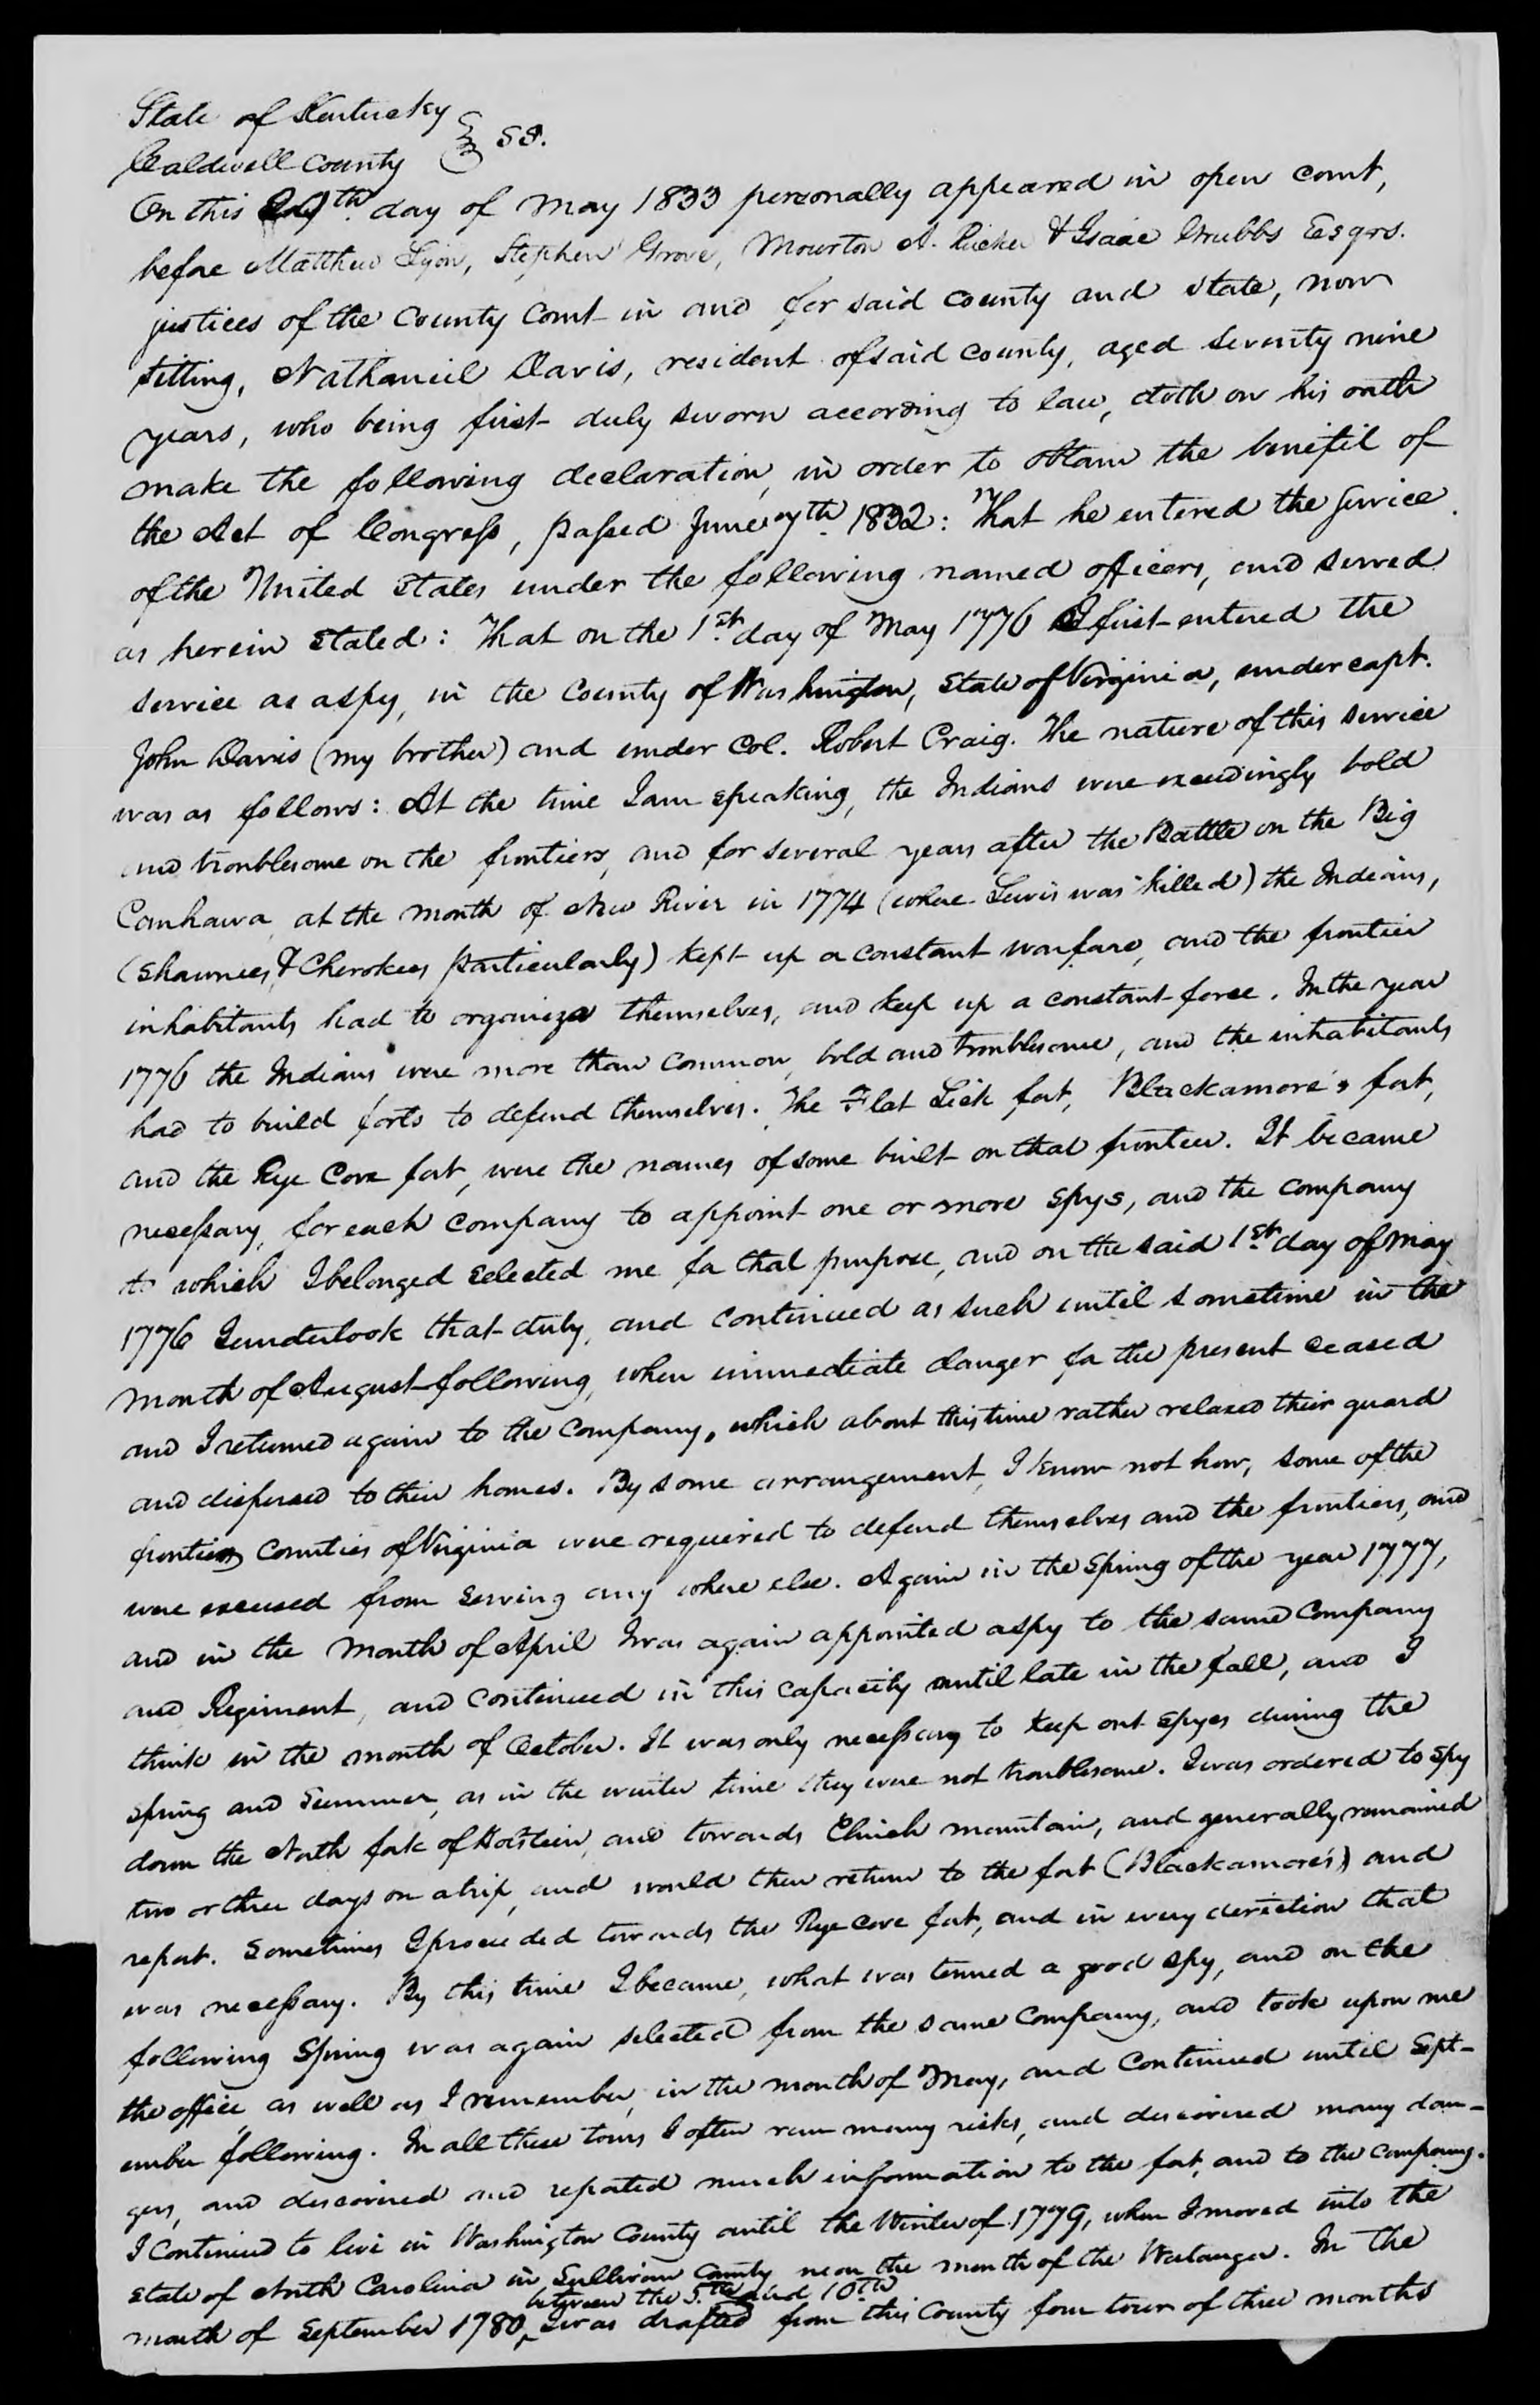State of Kentucky
Caldwell County} SS.
On this 29th day of May 1833 personally appeared in open court, before Matthew Lyon, Stephen Green, Mourton A. Rucker & Isaac Grubbs Esqrs. justices of the County Court in and for said County and State, now sitting, Nathaniel Davis, resident of said County, aged Seventy nine years, who being first duly sworn according to law, doth on his oath make the following declaration, in order to obtain the benefit of the Act of Congress, passed June 7th 1832: That he entered the Service of the United States under the following named officers, and served as herein stated: That on the 1st day of May 1776 I first entered the service as a spy, in the County of Washington, State of Virginia, under Capt. John Davis (my brother) and under Col. Robert Craig. The nature of this service was as follows: At the time I am speaking, the Indians were exceedingly bold and troublesome on the frontier, and for several years after the Battle on the Big Canhawa at the mouth of New River in 1774 (where Lewis was killed) the Indians, (Shawnees & Cherokees particularly) kept up a constant warfare, and the frontier inhabitants had to organize themselves, and keep up a constant force. In the year 1776 the Indians were more than common, bold and troublesome, and the inhabitants had to build forts to defend themselves. The Flat Lick fort, Blackmore's fort, and the Eye Cove fort, were the names of some built on that frontier. It became necessary, for each Company to appoint one or more spys, and the Company to which I belonged Elected me for that purpose, and on the said 1st day of May 1776 I undertook that duty, and continued as such until sometime in the month of August following, when immediate danger for the present ceased and I returned again to the Company, which about this time rather release their guard and dispersed to their homes. By some arrangement, I know not how, some of the frontier Counties of Virginia were required to defend themselves and the frontiers, and were excused from serving any where else. Again in the Spring of the year 1777, and in the Month of April I was again appointed a spy to the same Company and Regiment, and Continued in this Capacity until late in the fall, and I think in the month of October. It was only necessary to keep out spyes during the spring and summer, as in the winter time they were not troublesome. I was ordered to spy down the North fork of Holstein, and towards Clinch mountain, and generally remained two or three days on a trip, and would then return to the fort (Blackamore's) and repeat. Sometimes I proceeded towards the Rye Cove fort, and in way direction that was necessary. By this time I became, what was termed a good spy, and on the following Spring was again selected from the second Company, and took upon me the office as well as I remember, in the month of May, and Continued until September following. In all these times I often ran many risks, and discovered many dangers, and discovered and reported much information to the fort, and to the Company. I Continued to live in Washington County until the Winter of 1779, when I moved into the state of North Carolina in Sullivan County near the mouth of the Watanger. In the month of September 1780 between the 5th and 10th I was drafted from this County for a tour of three months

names: Robert Craig, Mourton A Rucker, Isaac Grubbs, Lewis, John Davis, Nathaniel Davis, Matthew Lyon, Stephen Grove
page: 3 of 18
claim: survivor's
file: S. 30,366, Nathaniel Davis, N.C. Va.